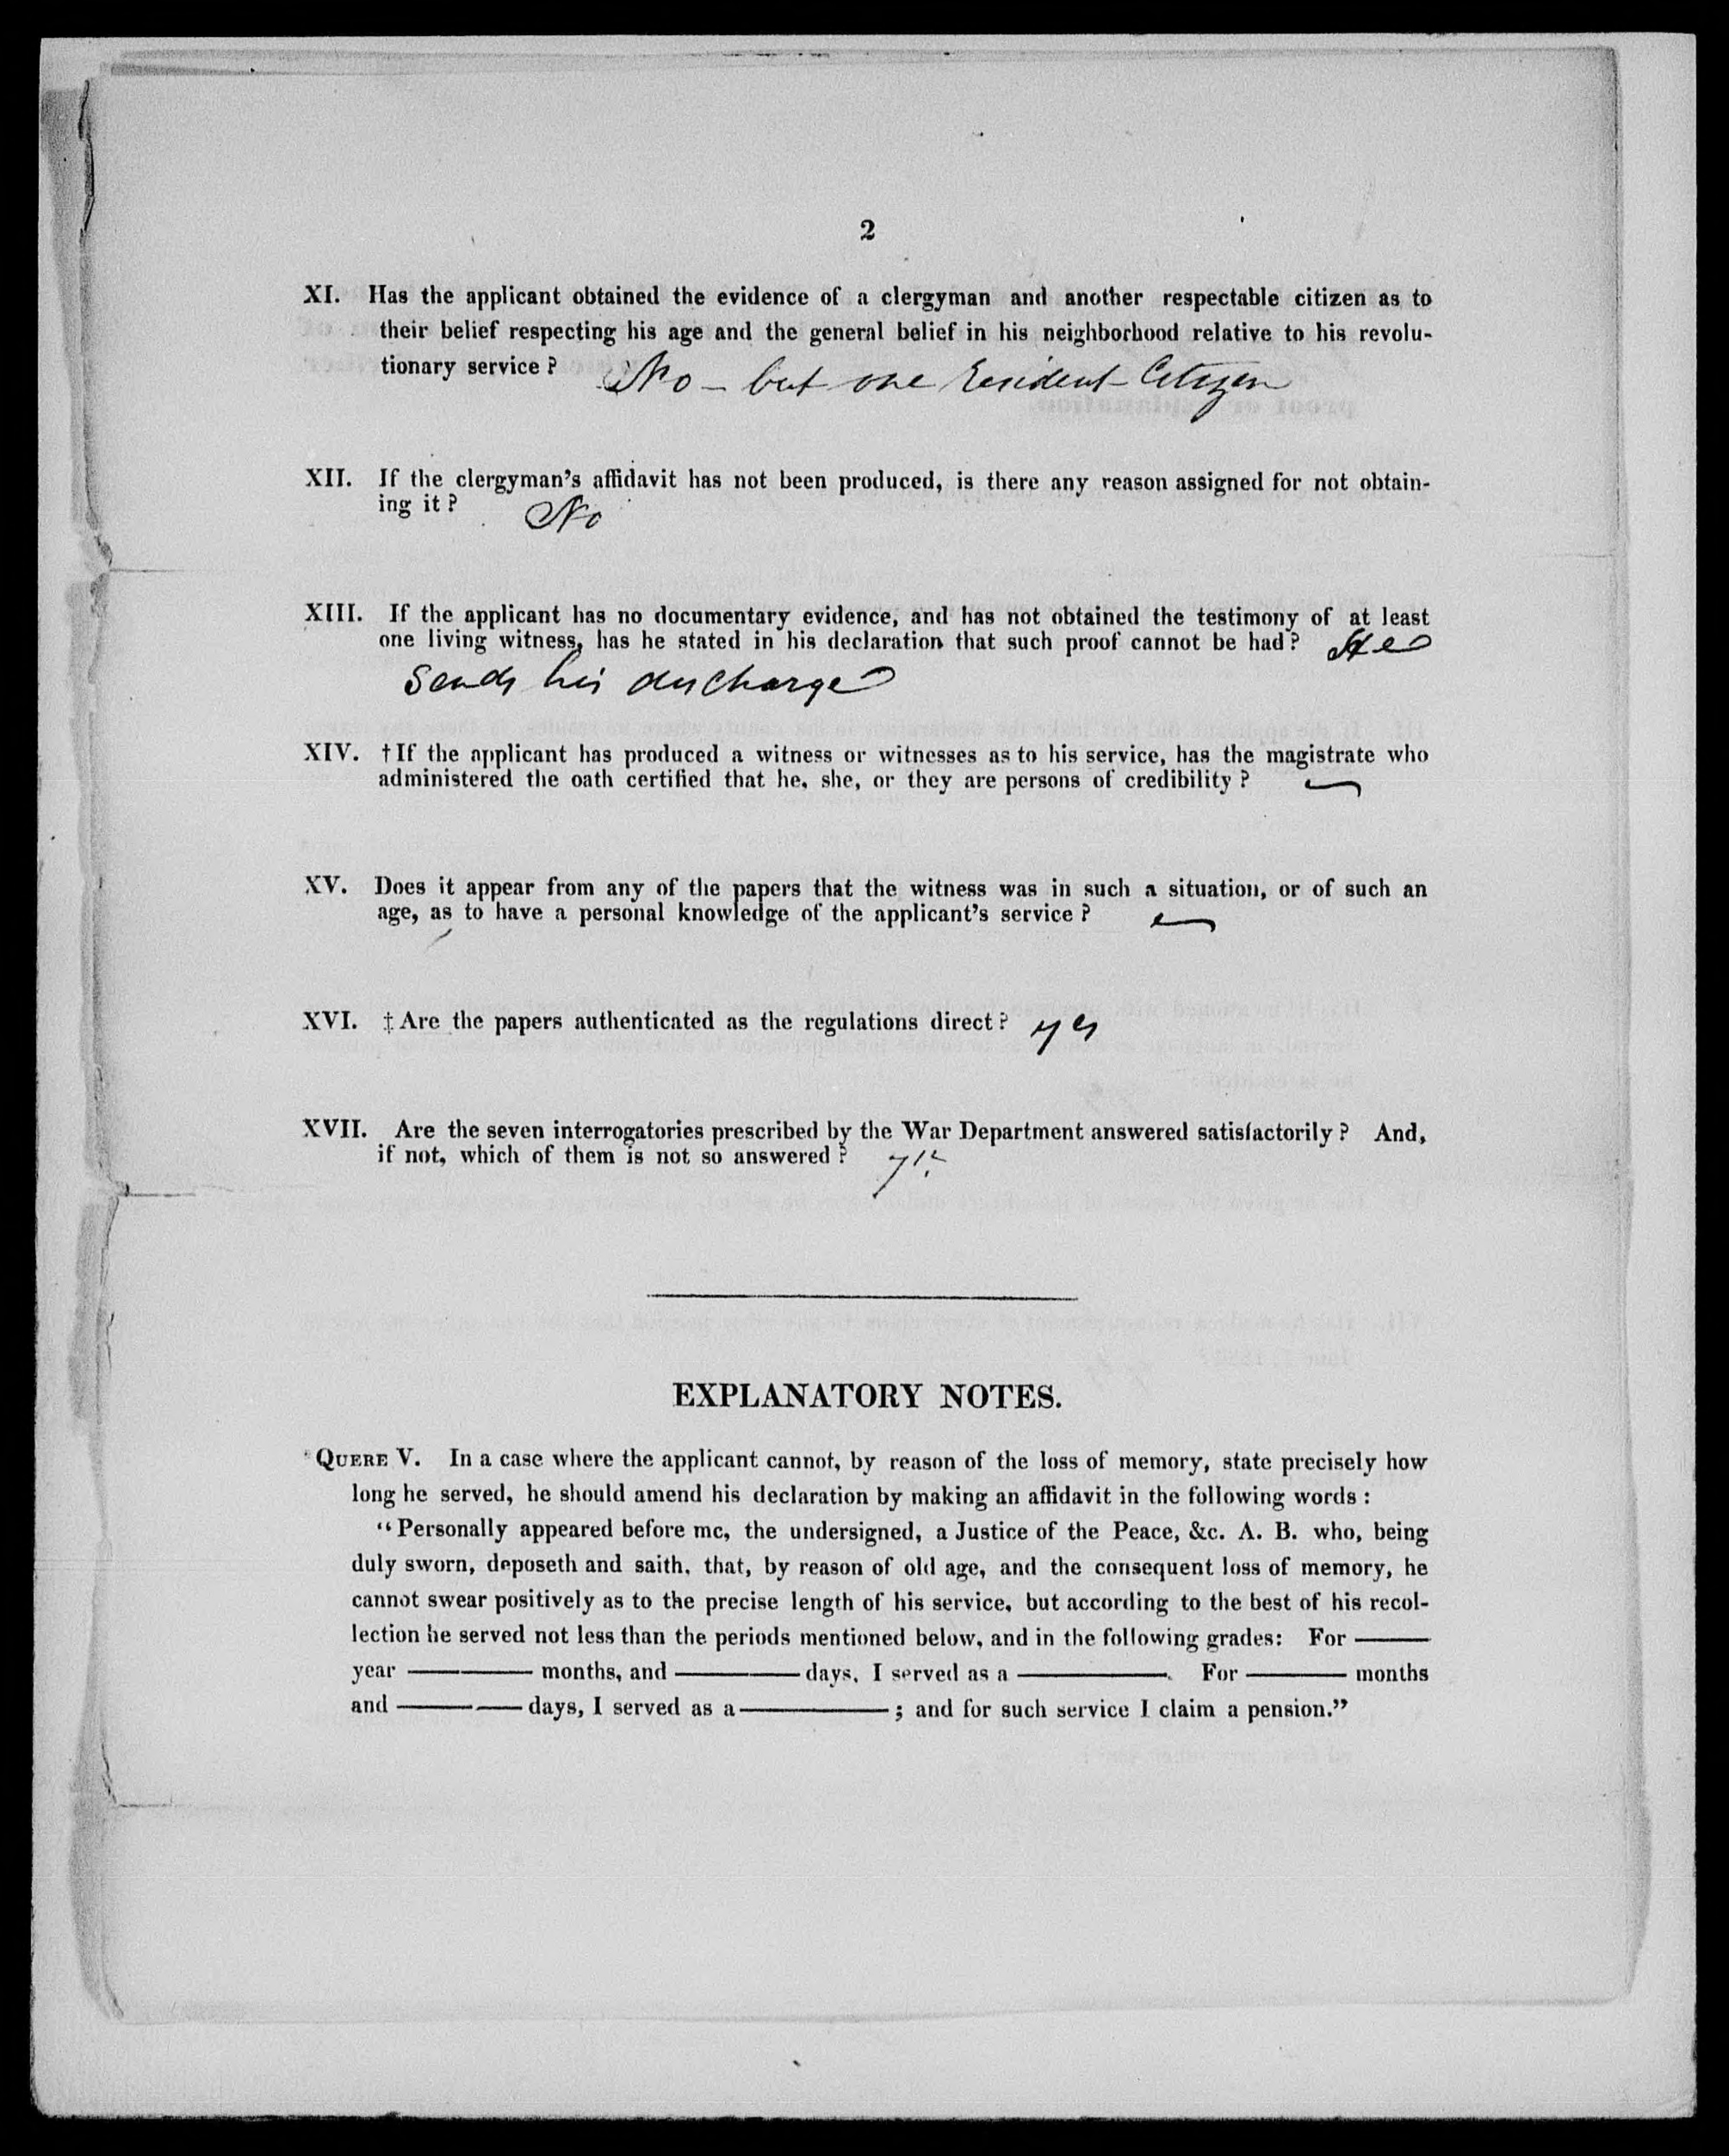2

XI. Has the applicant obtained the evidence of a clergyman and another respectable citizen as to their belief respecting his age and the general belief in his neighborhood relative to his revolutionary service? No, but one resident citizen

XII. If the clergyman's affidavit has not been produced, is there any reason assigned for not obtaining it? No

XIII. If the applicant has no documentary evidence, and has not obtained the testimony of at least one living witness, has he stated in his declaration that such proof cannot be had? He sends his discharge

XIV. [dagger symbol] If the applicant has produced a witness or witnesses as to his service, has the magistrate who administered the oath certified that he, she, or they are persons of credibility?

XV. Does it appear from any of the papers that the witness was in such a situation, or of such an age, as to have a personal knowledge of the applicant's service?

XVI. [double dagger symbol] Are the papers authenticated as the regulations direct? yes

XVII. Are the seven interrogatories prescribed by the War Department answered satisfactorily? And, if not, which of them is not so answered? yes


EXPLANATORY NOTES.

QUERE V. In a case where the applicant cannot, by reason of the loss of memory, state precisely how long he served, he should amend his declaration by making an affidavit in the following words: 
"Personally appeared before me, the undersigned, a Justice of the Peace, &c. A. B. who, being duly sworn, deposeth and saith, that, by reason of old age, and the consequent loss of memory, he cannot swear positively as to the precise length of his service, but according to the best of his recollection he served not less than the periods mentioned below, and in the following grades: For -- year -- months, and -- days, I served as a -- For -- months and -- days, I served as a --; and for such service I claim a pension."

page: 13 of 16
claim: rejected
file: R. 5634, for John Johnson, Virginia